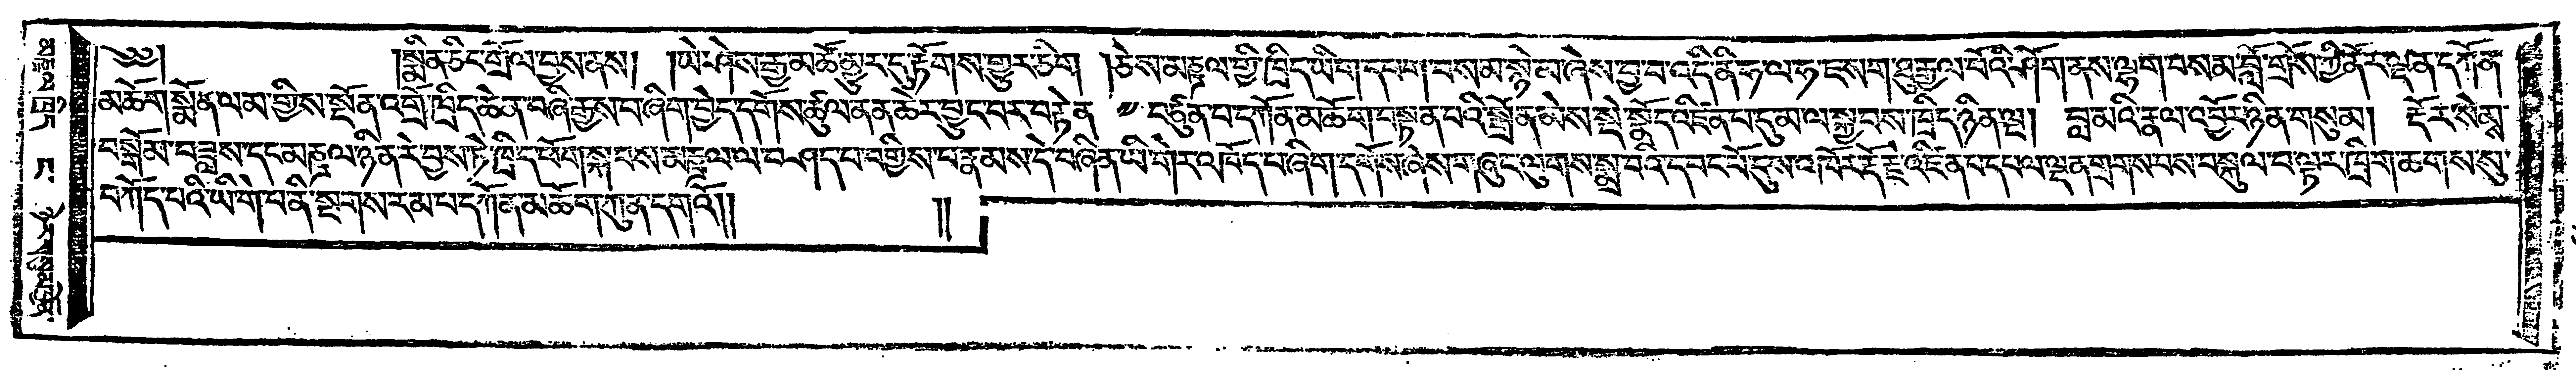༄༅། །སྨིན་ཅིང་གྲོལ་བྱས་ནས། །ཡེ་ཤེས་རྒྱ་མཚོ་མྱུར་དུ་རྟོགས་གྱུར་ཅིག །ཅེས་མཎྜལ་གྱི་ཁྲིད་ཡིག་དཔག་བསམ་སྙེ་མ་ཞེས་བྱ་བ་འདི་ནི་ཧ་ལ་ཧ་ཇ་སག་ཐུ་རྒྱལ་པོའི་ཤོག་ནས་ལྷག་བསམ་བློ་གྲོས་ཀྱི་ནོར་ལྡན་དཀོན་
མཆོག་སྨོན་ལམ་གྱིས་སྔོན་འགྲོ་ཁྲིད་ཆེན་བཞི་རྒྱས་པ་ཞིག་བྱེད་དགོས་ཚུལ་ནན་ཆེར་བྱུང་བར་བརྟེན ༧བཙུན་པ་དཀོན་མཆོག་བསྟན་པའི་སྒྲོན་མེས་སྡེ་སྣོད་འཛིན་པ་དུ་མ་ལ་སྐྱབས་ཁྲིད་ཉིན་ལྔ། བླ་མའི་རྣལ་འབྱོར་ཉིན་གསུམ། རྡོར་སེམས་
བསྒོམ་བཟླས་དང་མཎྜལ་ཉིན་རེ་བྱས་ཏེ་ཁྲིད་ཕོག་སྐབས་མཎྜལ་ལ་བཤད་པ་བགྱིས་པ་རྣམས་དེ་བཞིན་ཡི་གེར་འཁོད་པ་ཞིག་དགོས་ཞེས་གཞུང་ལུགས་སྨྲ་བའི་དབང་པོ་དུས་འཁོར་རྡོ་རྗེ་འཛིན་པ་དཔལ་ལྡན་གྲགས་པས་བསྐུལ་པ་ལྟར་ཁྲིག་ཆགས་སུ་བཀོད་པའི་ཡི་གེ་པ་ནི་སྔགས་རམ་པ་དཀོན་མཆོག་ཀུན་དགའོ།། །།